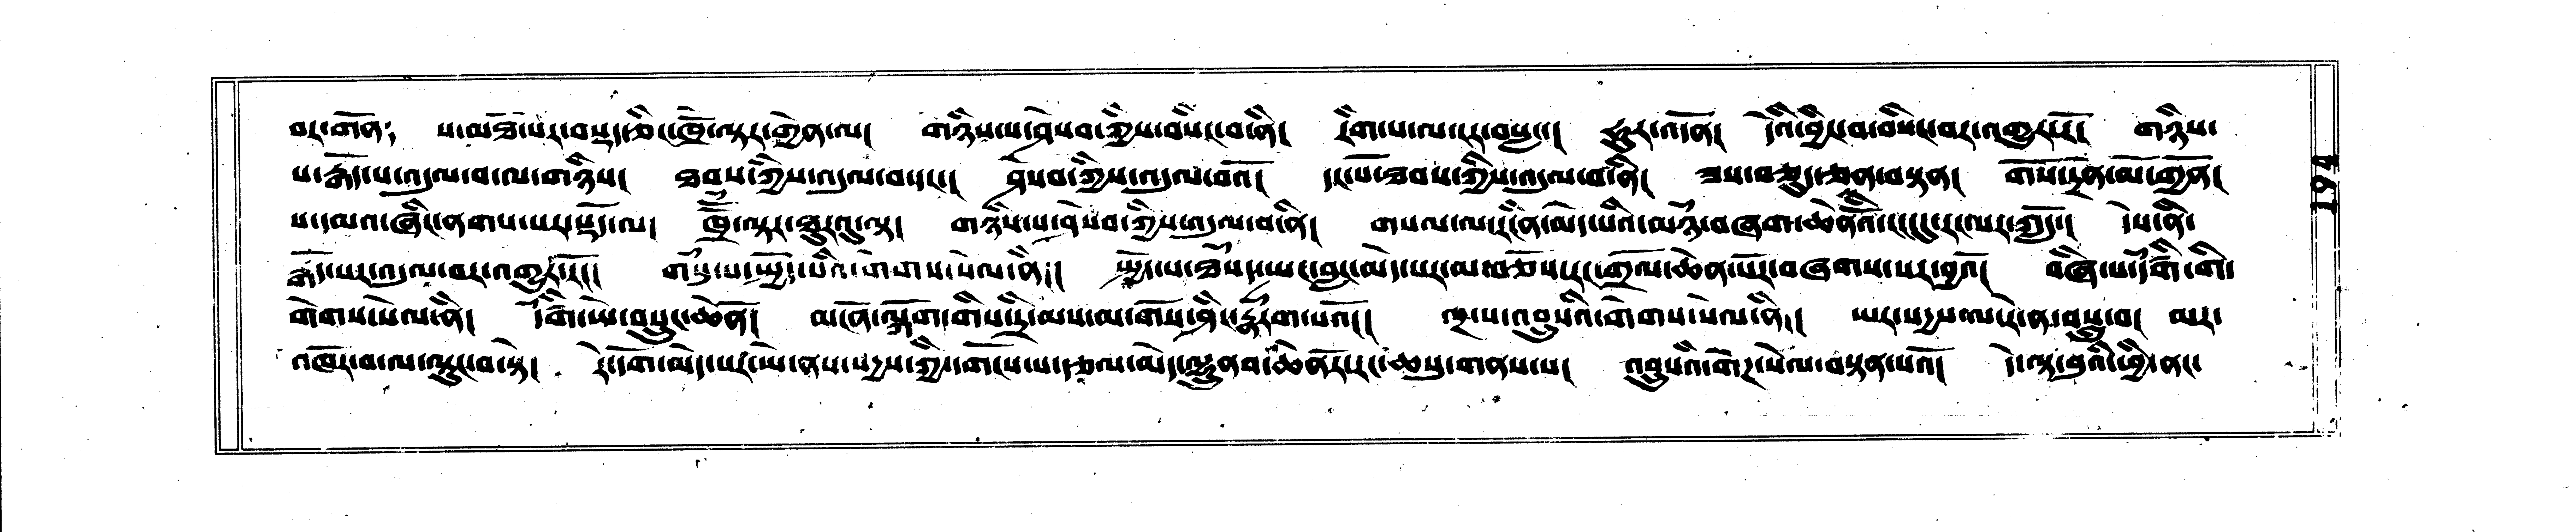པར་གོན། ས་མཐོ་བར་བསྡད་ཅིང་ཁྲོ་བོ་ལྟར་གྱེན་ལ་བལྟ། གཉིས་པ་ཤེས་རབ་ཀྱིས་བསིང་བ་ནི། རིག་པ་ལ་ངར་བླུད། ཧུར་འདོན། དེའི་བྱིང་བ་བསིང་བར་འགྱུར་རོ། །གཉིས་
པ་རྒོད་པ་འདུལ་བ་ལ་གཉིས། ཐབས་ཀྱིས་འདུལ་བ་དང་ཤེས་རབ་ཀྱིས་འདུལ་བའོ། །དང་པོ་ཐབས་ཀྱིས་འདུལ་བ་ནི་ཟས་བཅུད་ཅན་བསྟེན། གོས་དྲོན་མོ་གྱོན། 
ས་དམའ་ཞིང་ནགས་སར་སྡོད་ལ། ཁྲོ་བོ་ལྟར་ཐུར་དུ་ལྟ། གཉིས་པ་ཤེས་རབ་ཀྱིས་འདུལ་བ་ནི། གསལ་ལ་རང་བཞིན་མེད་པའི་མཉམ་བཞག་ཆེན་པོའི་རང་སར་གློད། དེས་ནི་
རྒོད་པ་འདུལ་བར་འགྱུར་རོ། །གསུམ་པ་སྤྱོད་པའི་གེག་སེལ་ནི། སྤྱོད་པ་ཐམས་ཅད་སྤང་བླང་མེད་པར་མ་བཅོས་རང་གྲོལ་ཆེན་པོར་བཞག་པར་བྱའོ། །བཞི་པ་དམ་ཚིག་གི་
གེག་སེལ་ནི། དམ་ཚིག་ཡེ་བསྲུང་ཆེན་པོ། མངོན་ལྐོག་གི་དྲི་མས་མ་གོས་ཤིང་རྣམ་པར་དག་པའོ། །ལྔ་པ་འབྲས་བུའི་གེག་སེལ་ནི། ཡར་སངས་རྒྱས་ལ་རེ་ན་བསླུ་བ། མར་
འཁོར་བ་ལ་ལྟུང་བ་སྟེ། རེ་དྭོགས་མེད་པར་ཡེ་ནས་སངས་རྒྱས་ཀྱི་དགོངས་པ་བརྩལ་མེད་ལྷུན་གྲུབ་ཆེན་པོར་རང་ཆས་སུ་གནས་པ། འབྲས་བུའི་གེག་སེལ་བསྟན་པའོ། །དེ་ལྟ་བུའི་ཕྱི་ནང་